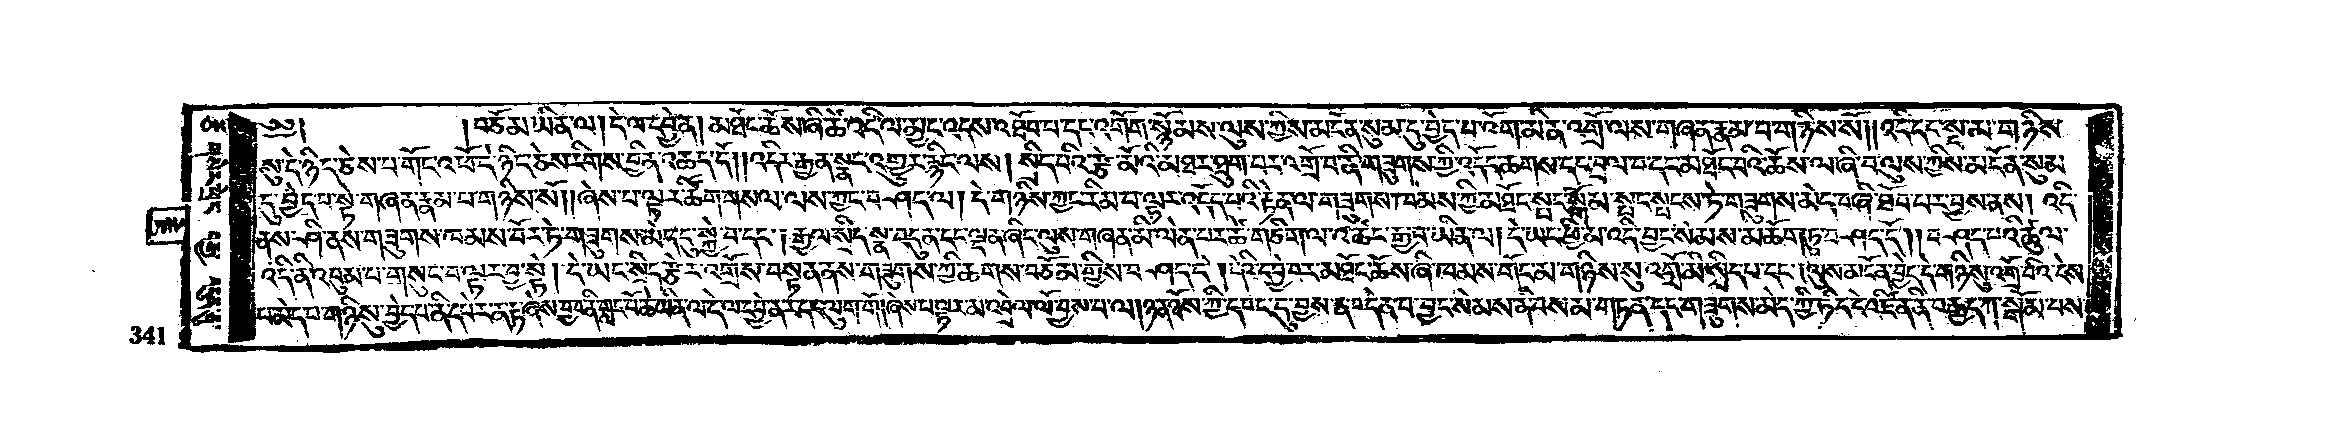༄༅། །བཅོམ་ཡིན་ལ། དེ་ལ་དབྱེ་ན། མཐོང་ཆོས་ཞི་ཚེ་འདི་ལ་མྱང་འདས་འཐོབ་པ་དང་འགོག་སྙོམས་ལུས་ཀྱིས་མངོན་སུམ་དུ་བྱེད་པ་འོག་མིན་འགྲོ་ལས་གཞན་རྣམ་པ་གཉིས་སོ། །འདི་དང་སྔ་མ་གཉིས་
སུ་དེ་ཉིད་ཅེས་པ་གོང་འཕོ་དེ་ཉིད་ཅེས་རིགས་བྱིན་འཆད་དོ། །འདིར་རྒྱན་སྣང་འགྱུར་རྙིང་ལས། སྲིད་པའི་རྩེ་མོའི་མཐར་ཐུག་པར་འགྲོ་བ་ནི་གཟུགས་ཀྱི་འདོད་ཆགས་དང་བྲལ་བ་དང་མཐོང་བའི་ཆོས་ལ་ཞི་བ་ལུས་ཀྱིས་མངོན་སུམ་
དུ་བྱེད་པ་སྟེ་གཞན་རྣམ་པ་གཉིས་སོ། །ཞེས་པ་ལྟར་ཚིག་གསལ་ལས་ཀྱང་བཤད་ལ། དེ་གཉིས་ཀྱང་རིམ་པ་ལྟར་འདོད་པའི་རྟེན་ལ་གཟུགས་ཁམས་ཀྱི་མཐོང་སྤང་སྒོམ་སྤང་སྤངས་ཏེ་གཟུགས་མེད་བཞི་ཐོབ་པར་བྱས་ནས། འདི་
ནས་ཤི་ནས་གཟུགས་ཁམས་བོར་ཏེ་གཟུགས་མེད་དུ་སྐྱེ་བ་དང་། རྒྱལ་སྲིད་སྣ་བདུན་དང་ལྡན་ཞིང་ལུས་གཞན་མི་ལེན་པར་ཚེ་གཅིག་ལ་འཚང་རྒྱ་བ་ཡིན་ལ། དེ་ཡང་ཕྱི་མ་འདི་བྱང་སེམས་མཆོག་ཏུ་བཤད་དོ། །བཤད་པའི་ཚུལ་
འདི་ནི་འབུམ་པ་གསུང་བ་ལྟར་བྱ་སྟེ། དེ་ཡང་སྲིད་རྩེར་འགྲོས་བསྟན་ནས་གཟུགས་ཀྱི་ཆགས་བཅོམ་གྱིས་བཤད་དེ། དེའི་དབྱེ་བར་མཐོང་ཆོས་ཞི་ཁམས་གོང་མ་གཉིས་སུ་འགྲོ་མི་སྲིད་པ་དང་། ལུས་མངོན་བདེ་དེ་གཉིས་སུ་འགྲོ་བའི་ངེས་
པ་མེད་པ་གཉིས་སུ་བྱེད་པ་ནི་དཔེར་ན་རྟ་ཞེས་བྱ་བ་ནི་གླང་པོ་ཆེ་ཡིན་ལ་དེ་ལ་དབྱེ་ན་ར་དང་ལུག་གོ །ཞེས་པ་ལྟར་མ་འབྲེལ་ལོ་བྱས་པ་ལ། ཉན་ཐོས་ཀྱི་དབང་དུ་བྱས་ན་བདེན་པ་བྱང་སེམས་ནི་བསམ་གཏན་དང་གཟུགས་མེད་ཀྱི་ཏིང་ངེ་འཛིན་ནི་བརྒྱད་ཀ་སྒོམ་པས་